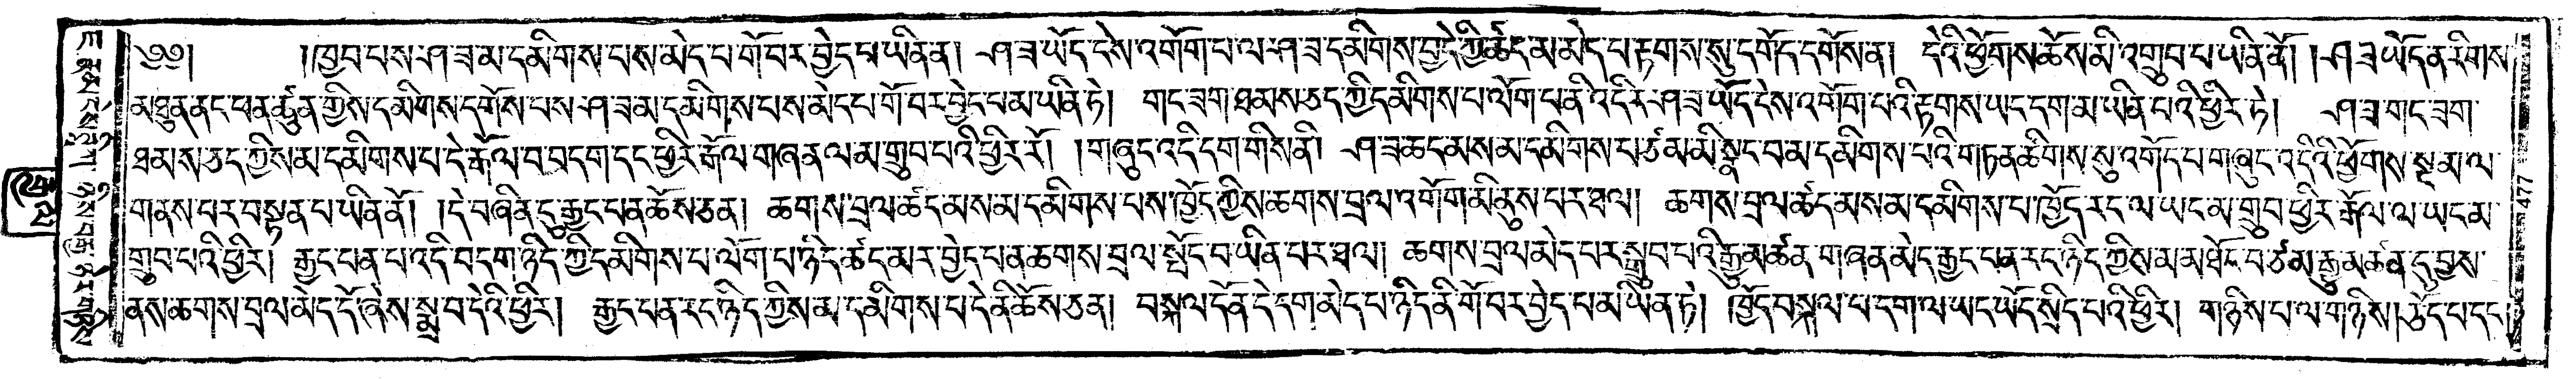༄༅། །ཁྱབ་པས་ཤ་ཟ་མ་དམིགས་པས་མེད་པ་གོ་བར་བྱེད་པ་ཡིན་ན། ཤ་ཟ་ཡོད་ངེས་འགོག་པ་ལ་ཤ་ཟ་དམིགས་བྱེད་ཀྱི་ཚད་མ་མེད་པ་རྟགས་སུ་དགོད་དགོས་ན། དེའི་ཕྱོགས་ཆོས་མི་འགྲུབ་པ་ཡིན་ནོ། །ཤ་ཟ་ཡོད་ན་རིགས་
མཐུན་ནང་ཕན་ཚུན་གྱིས་དམིགས་དགོས་པས་ཤ་ཟ་མ་དམིགས་པས་མེད་པ་གོ་བར་བྱེད་པ་མ་ཡིན་ཏེ། གང་ཟག་ཐམས་ཅད་ཀྱི་དམིགས་པ་ལོག་པ་ནི་འདིར་ཤ་ཟ་ཡོད་ངེས་འགོག་པའི་རྟགས་ཡང་དག་མ་ཡིན་པའི་ཕྱིར་ཏེ། ཤ་ཟ་གང་ཟག་
ཐམས་ཅད་ཀྱིས་མ་དམིགས་པ་དེ་རྒོལ་བ་བདག་དང་ཕྱིར་རྒོལ་གཞན་ལ་མ་གྲུབ་པའི་ཕྱིར་རོ། །གཞུང་འདི་དག་གིས་ནི། ཤ་ཟ་ཆད་མས་མ་དམིགས་པ་ཙམ་མི་སྣང་བ་མ་དམིགས་པའི་གཏན་ཚིགས་སུ་འགོད་པ་གཞུང་འདིའི་ཕྱོགས་སྔ་མ་ལ་
གནས་པར་བསྟན་པ་ཡིན་ནོ། །དེ་བཞིན་དུ་རྒྱང་པན་ཆོས་ཅན། ཆགས་བྲལ་ཚད་མས་མ་དམིགས་པས་ཁྱོད་ཀྱིས་ཆགས་བྲལ་འགོག་མི་ནུས་པར་ཐལ། ཆགས་བྲལ་ཚད་མས་མ་དམིགས་པ་ཁྱོད་རང་ལ་ཡང་མ་གྲུབ་ཕྱིར་རྒོལ་ལ་ཡང་མ་
གྲུབ་པའི་ཕྱིར། རྒྱང་པན་པ་འདི་བདག་ཉིད་ཀྱི་དམིགས་པ་ལོག་པ་ཉིད་ཚད་མར་བྱེད་པ་ན་ཆགས་བྲལ་སྤོང་བ་ཡིན་པར་ཐལ། ཆགས་བྲལ་མེད་པར་སྒྲུབ་པའི་རྒྱུ་མཚན་གཞན་མེད་རྒྱང་པན་རང་ཉིད་ཀྱིས་མ་མཐོང་བ་ཙམ་རྒྱུ་མཚན་དུ་བྱས་
ནས་ཆགས་བྲལ་མེད་དོ་ཞེས་སྨྲ་བ་དེའི་ཕྱིར། རྒྱང་པན་རང་ཉིད་ཀྱིས་མ་དམིགས་པ་དེ་ནི་ཆོས་ཅན། བསྐལ་དོན་དེ་དག་མེད་པ་ཉིད་ནི་གོ་བར་བྱེད་པ་མ་ཡིན་ཏེ། ཁྱོད་བསྐལ་པ་དག་ལ་ཡང་ཡོད་སྲིད་པའི་ཕྱིར། གཉིས་པ་ལ་གཉིས། ཅོད་པ་དང་